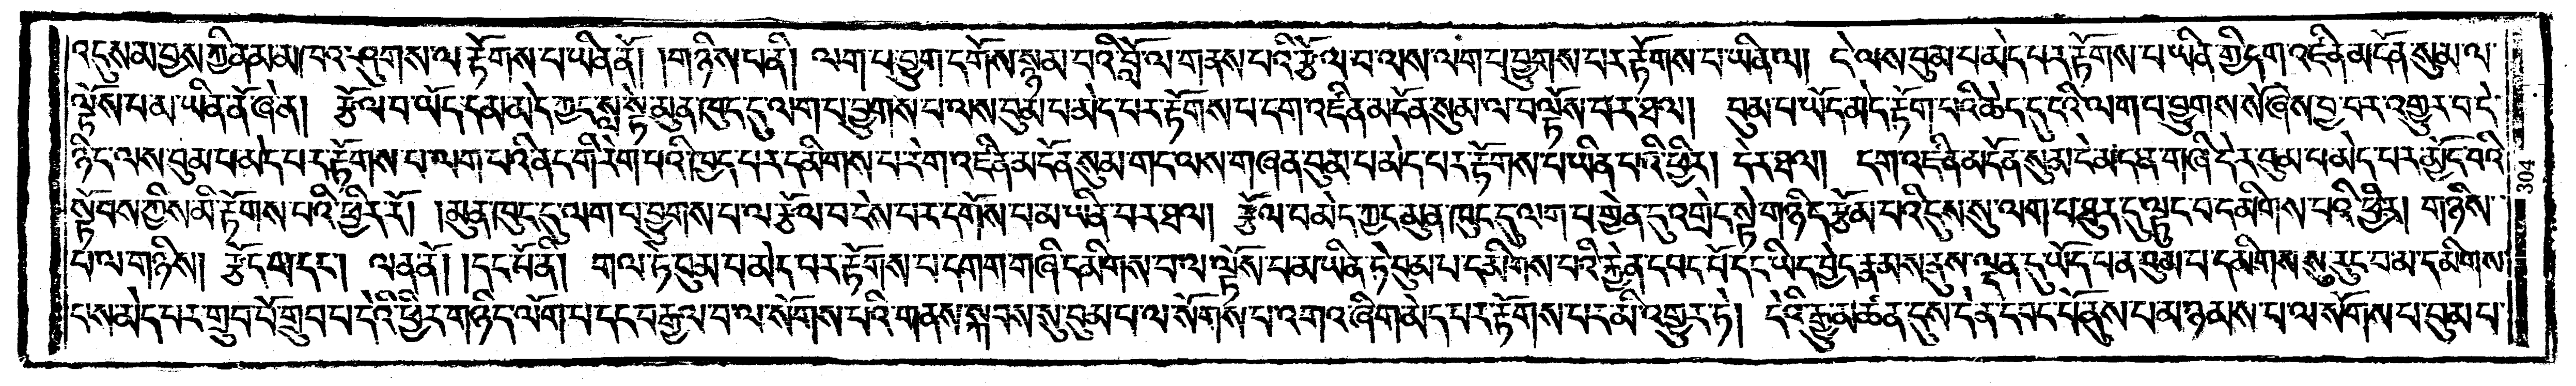འདུས་མ་བྱས་ཀྱི་ནམ་མཁའ་ཤུགས་ལ་རྟོགས་པ་ཡིན་ནོ། །གཉིས་པ་ནི། ལག་པ་བྱུག་དགོས་སྙམ་པའི་བློ་ལ་གནས་པའི་རྩོལ་བ་ལས་ལག་པ་བྱུགས་པར་རྟོགས་པ་ཡིན་ལ། དེ་ལས་བུམ་པ་མེད་པར་རྟོགས་པ་ཡིན་གྱི་དག་འཛིན་མངོན་སུམ་ལ་
ལྟོས་པ་མ་ཡིན་ནོ་ཞེ་ན། རྩོལ་བ་ཡོད་དམ་མེད་ཀྱང་སླ་སྟེ་མུན་ཁུང་དུ་ལག་པ་བྱུགས་པ་ལས་བུམ་པ་མེད་པར་རྟོགས་པ་དག་འཛིན་མངོན་སུམ་ལ་བལྟོས་པར་ཐལ། བུམ་པ་ཡོད་མེད་རྟོག་པའི་ཆེད་དུ་ངའི་ལག་པ་བྱུགས་སོ་ཞེས་བྱ་བར་འགྱུར་བ་དེ་
ཉིད་ལས་བུམ་པ་མེད་པར་རྟོགས་པ་ལག་པའི་ནང་གི་རེག་པའི་ཁྱད་པར་དམིགས་པ་རེག་འཛིན་མངོན་སུམ་གང་ལས་གཞན་བུམ་པ་མེད་པར་རྟོགས་པ་ཡིན་པའི་ཕྱིར། དེར་ཐལ། དག་འཛིན་མངོན་སུམ་དུ་དམན་གཞི་དེར་བུམ་པ་མེད་པར་མྱོང་བའི་
སྟོབས་ཀྱིས་མི་རྟོགས་པའི་ཕྱིར་རོ། །མུན་ཁུང་དུ་ལག་པ་བྱུགས་པ་ལ་རྩོལ་བ་ངེས་པར་དགོས་པ་མ་ཡིན་པར་ཐལ། རྩོལ་བ་མེད་ཀྱང་མུན་ཁུང་དུ་ལག་པ་གྱེན་དུ་འགྲེང་སྟེ་གཉིད་རྩོམ་པའི་དུས་སུ་ལག་པ་ཐུར་དུ་ལྟུང་བ་དམིགས་པའི་ཕྱིར། གཉིས་
པ་ལ་གཉིས། རྩོད་པ་དང་། ལན་ནོ། །དང་པོ་ནི། གལ་ཏེ་བུམ་པ་མེད་པར་རྟོགས་པ་དགག་གཞི་དམིགས་པ་ལ་ལྟོས་པ་མ་ཡིན་ཏེ་བུམ་པ་དམིགས་པའི་རྐྱེན་དབང་པོ་དང་ཡིད་བྱེད་རྣམས་ནུས་ལྡན་དུ་ཡོད་པ་ན་བུམ་པ་དམིགས་སུ་རུང་བ་མ་དམིགས་
པས་མེད་པར་གྲུབ་པོ་གྲུབ་པ་དེའི་ཕྱིར་གཉིད་ལོག་པ་དང་ང་རྒྱལ་བ་ལ་སོགས་པའི་གནས་སྐབས་སུ་བུམ་པ་ལ་སོགས་པ་འགའ་ཞིག་མེད་པར་རྟོགས་པར་མི་འགྱུར་ཏེ། དེའི་རྒྱུ་མཚན་དུས་དེ་ན་དབང་པོ་ནུས་པ་མ་ཉམས་པ་ལ་སོགས་པ་བུམ་པ་